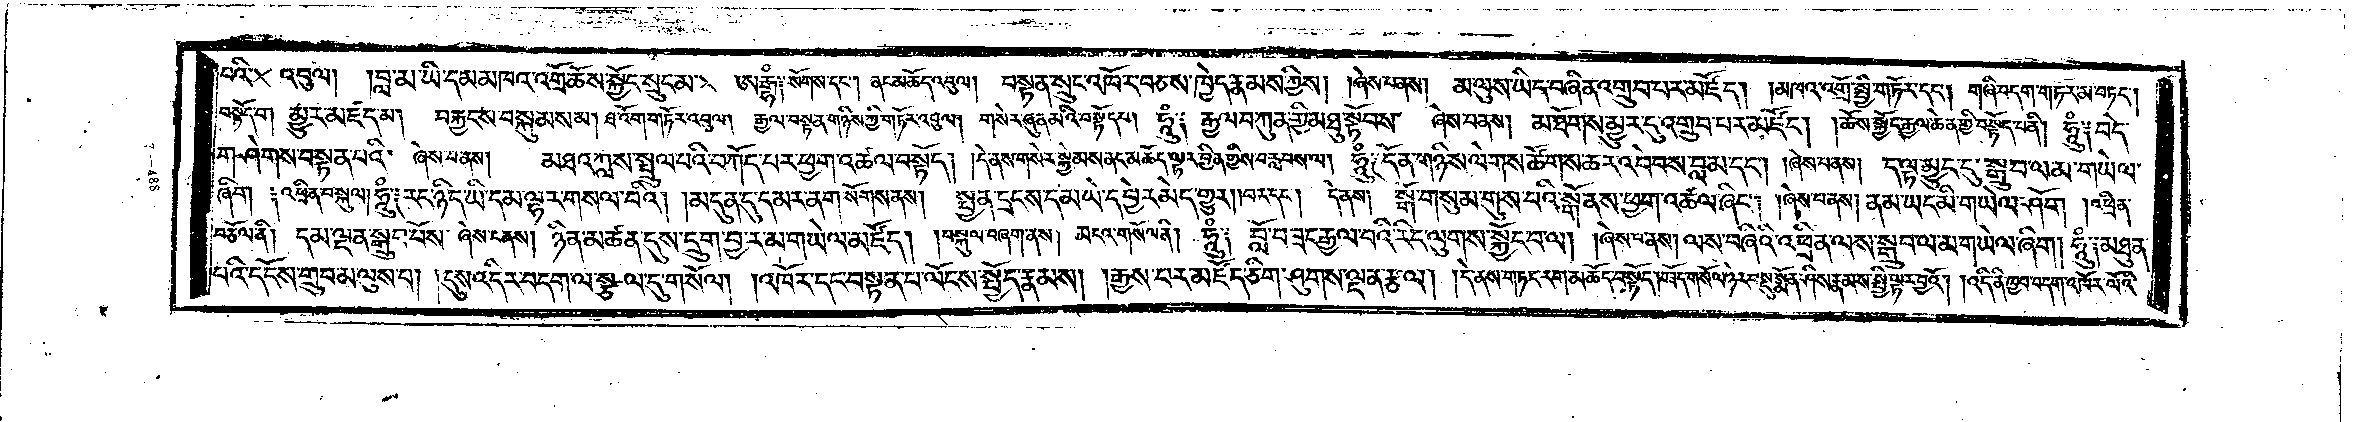བའི་྾་འབུལ། །བླ་མ་ཡི་དམ་མཁའ་འགྲོ་ཆོས་སྐྱོང་སྲུང་མ་྾་ཨརྒྷཾ༑ སོགས་དང་། ནང་མཆོད་འབུལ།  བསྟན་སྲུང་འཁོར་བཅས་ཁྱེད་རྣམས་ཀྱིས། །ཞེས་པ་ནས།  མ་ལུས་ཡིད་བཞིན་འགྲུབ་པར་མཛོད། །མཁའ་འགྲོ་སྤྱི་གཏོར་དང་། གཞི་བདག་གཏོར་མ་བཏང་།
བསྟོད་པ། མྱུར་མཛད་མ། བརྐྱངས་བསྐུམས་མ། ཐ་འོག་གཏོར་འབུལ། རྒྱལ་བསྟན་གཉིས་ཀྱི་གཏོར་འབུལ། གསེར་ཞུན་མའི་བསྟོད་པ།  ཧཱུཾ༑ རྒྱལ་བ་ཀུན་གྱི་མཐུ་སྟོབས་ཞེས་པ་ནས།  མ་ཐོགས་མྱུར་དུ་འགྲུབ་བར་མཛོད། །ཆོས་སྐྱོང་རྒྱལ་ཆེན་གྱི་བསྟོད་པ་ནི།  ཧཱུཾ༑ བདེ་
གཤེགས་བསྟན་པའི་ཞེས་བ་ནས།  མཐའ་ཀླས་སྤྲུལ་པའི་བཀོད་པར་ཕྱག་འཚལ་བསྟོད། །དེ་ནས་གསེར་སྐྱེམས་ནང་མཆོད་ལྟར་བྱིན་གྱིས་བརླབས་ལ།  ཧཱུཾ༑ དོན་གཉིས་ལེགས་ཚོགས་ཆར་འབེབས་བླ་མ་དང་། །ཞེས་པ་ནས།  ད་ལྟ་མྱུང་དུ་སྒྲུབ་ལ་མ་གཡེལ་
ཞིག་༑འཕྲིན་བསྐུལ།  ཧཱུཾ༑ རང་ཉིད་ཡི་དམ་ལྷར་གསལ་བའི། །མདུན་དུ་དམར་ནག་སོགས་ནས།  སྤྱན་དྲངས་དམ་ཡེ་དབྱེར་མེད་གྱུར། །བར་དང་། དེ་ནས།  སྒོ་གསུམ་གུས་པའི་སྒོ་ནས་ཕྱག་འཚལ་ཞིང་། །ཞེས་པ་ནས།  ནམ་ཡང་མི་གཡེལ་ཤོག །འཕྲིན་
བཅོལ་ནི། དམ་ལྡན་སྒྲུབ་པོས་ཞེས་པ་ནས།  ཉིན་མཚན་དུས་དྲུག་བྱ་ར་མ་གཡེལ་མཛོད། །བསྐུལ་བཞག་ནས། མངའ་གསོལ་ནི།  ཧཱུཾ༑ བློ་བཟང་རྒྱལ་བའི་རིང་ལུགས་སྐྱོང་བ་ལ། །ཞེས་པ་ནས།  ལས་བཞིའི་འཕྲིན་ལས་སྒྲུབ་ལ་མ་གཡེལ་ཞིག །ཧཱུཾ༑ མཐུན་
བའི་དངོས་གྲུབ་མ་ལུས་པ། །དུས་འདིར་བདག་ལ་སྩལ་དུ་གསོལ། །འཁོར་དང་བསྟན་པ་ལོངས་སྤྱོད་རྣམས། །རྒྱས་པར་མཛོད་ཅིག་ཤུགས་ལྡན་རྩལ། །དེ་ནས་གཏང་རག་མཆོད་བསྟོད་།བཟོད་གསོལ་ཉེར་བསྡུ་སྨོན་ཤིས་རྣམས་སྤྱི་ལྟར་བྱའོ། །འདི་ནི་ཁྱབ་བདག་འཁོར་ལོའི་